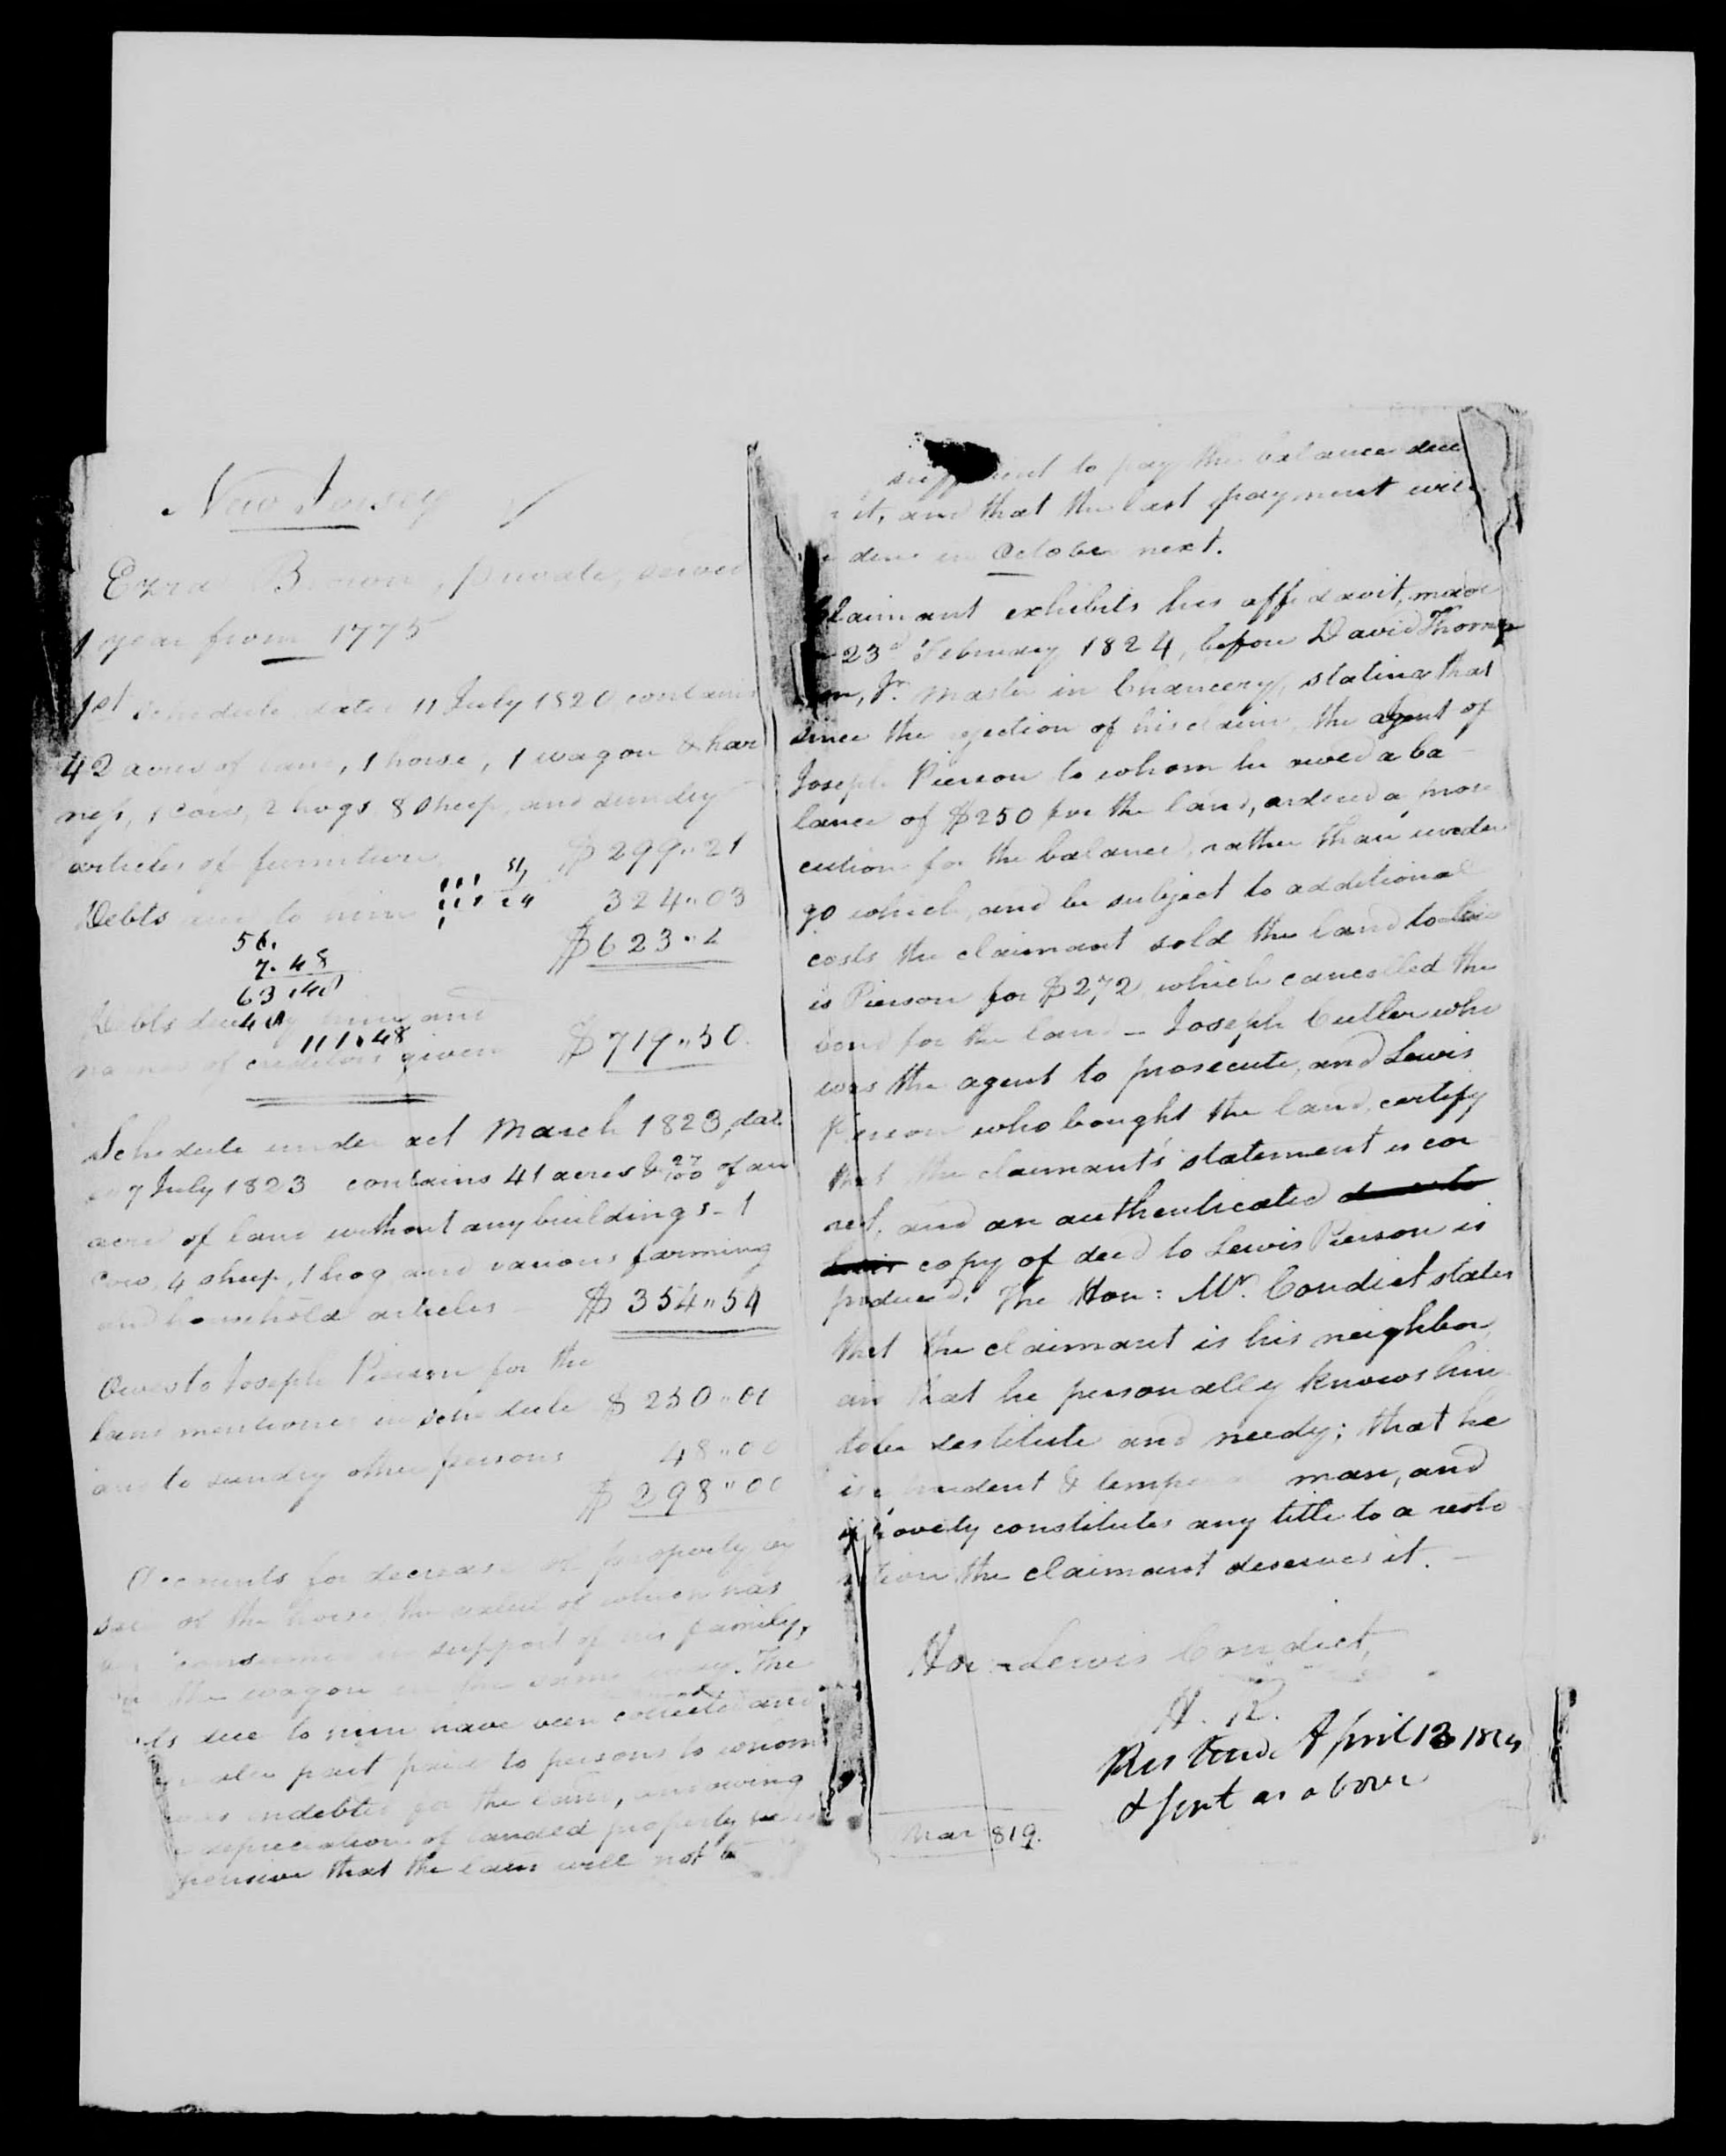New Jersey
---
Ezra Brown, Private, served
1 year from 1775
--------
1st schedule dates 11 July 1820 containing
42 acres of land, 1 horse, 1 Wagon & harness
1 Cow, 2 hogs, 8 sheep, and sundry
articles of furniture          $ 299.21

Debts due by him and 
names of creditors given $719.50--------------

Schedule under act March 1823, dated July 1823 contains 41 acres & 27/100 of an acre of land without any buildings- 1 cow, 4 sheep, 1 hog and various farming and household articles $354.54
---------------
Owes to Joseph Pierson for the
land mentioned in schedule $250.00
and to sundry other persons.   48.00
                                                 $298.00

Accounts for decrease the property by sale of the house the value of which has been consumed in support of his family, and the wagon in the same way.  The debts due to him have been collected and [cut off] also paid to persons to whom [cut off] was indebted for the same, and owing to deprecation of landed property[cut off] pension that the laws will not
be sufficient to pay the balance due it, and that the last payment will be due in October next.

Claimant exhibits his affidavit made the 23d February 1824, before David Thomas [cut off] Jr. Master in Chancery, stating that since the rejection of his claim the agent of Joseph Pierson to whom he owed a balance of $250 for the land, ordered a prosecution for the balance rather than undergo which and be subject to additional costs the claimant sold the land to Lewis Pierson for $272, which cancelled the
bond for the land. Joseph Cutler who was the agent to prosecute, and Lewis Pierson who bought the land, certify the claimant's statement is correct and an authenticated
copy of deed to Lewis Pierson is produced. The Hon. Mr Condict states that the claimant is his neighbor and that he personally knows him to be destitute and needy; that he is prudent & temperate man, and in poverty constitutes any title to a restoration the claimant deserves it.-

Hon Lewis Condict,
H.R.
Restored April 13 1824
& sent as above

Mar 1819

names: David Thompson, Lewis Pierson, Condict, Lewis Pierson, Ezra Brown, Lewis Condict, Joseph Cutler, Joseph Pierson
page: 13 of 27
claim: survivor's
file: S. 34,094, Ezra Brown, New Jersey